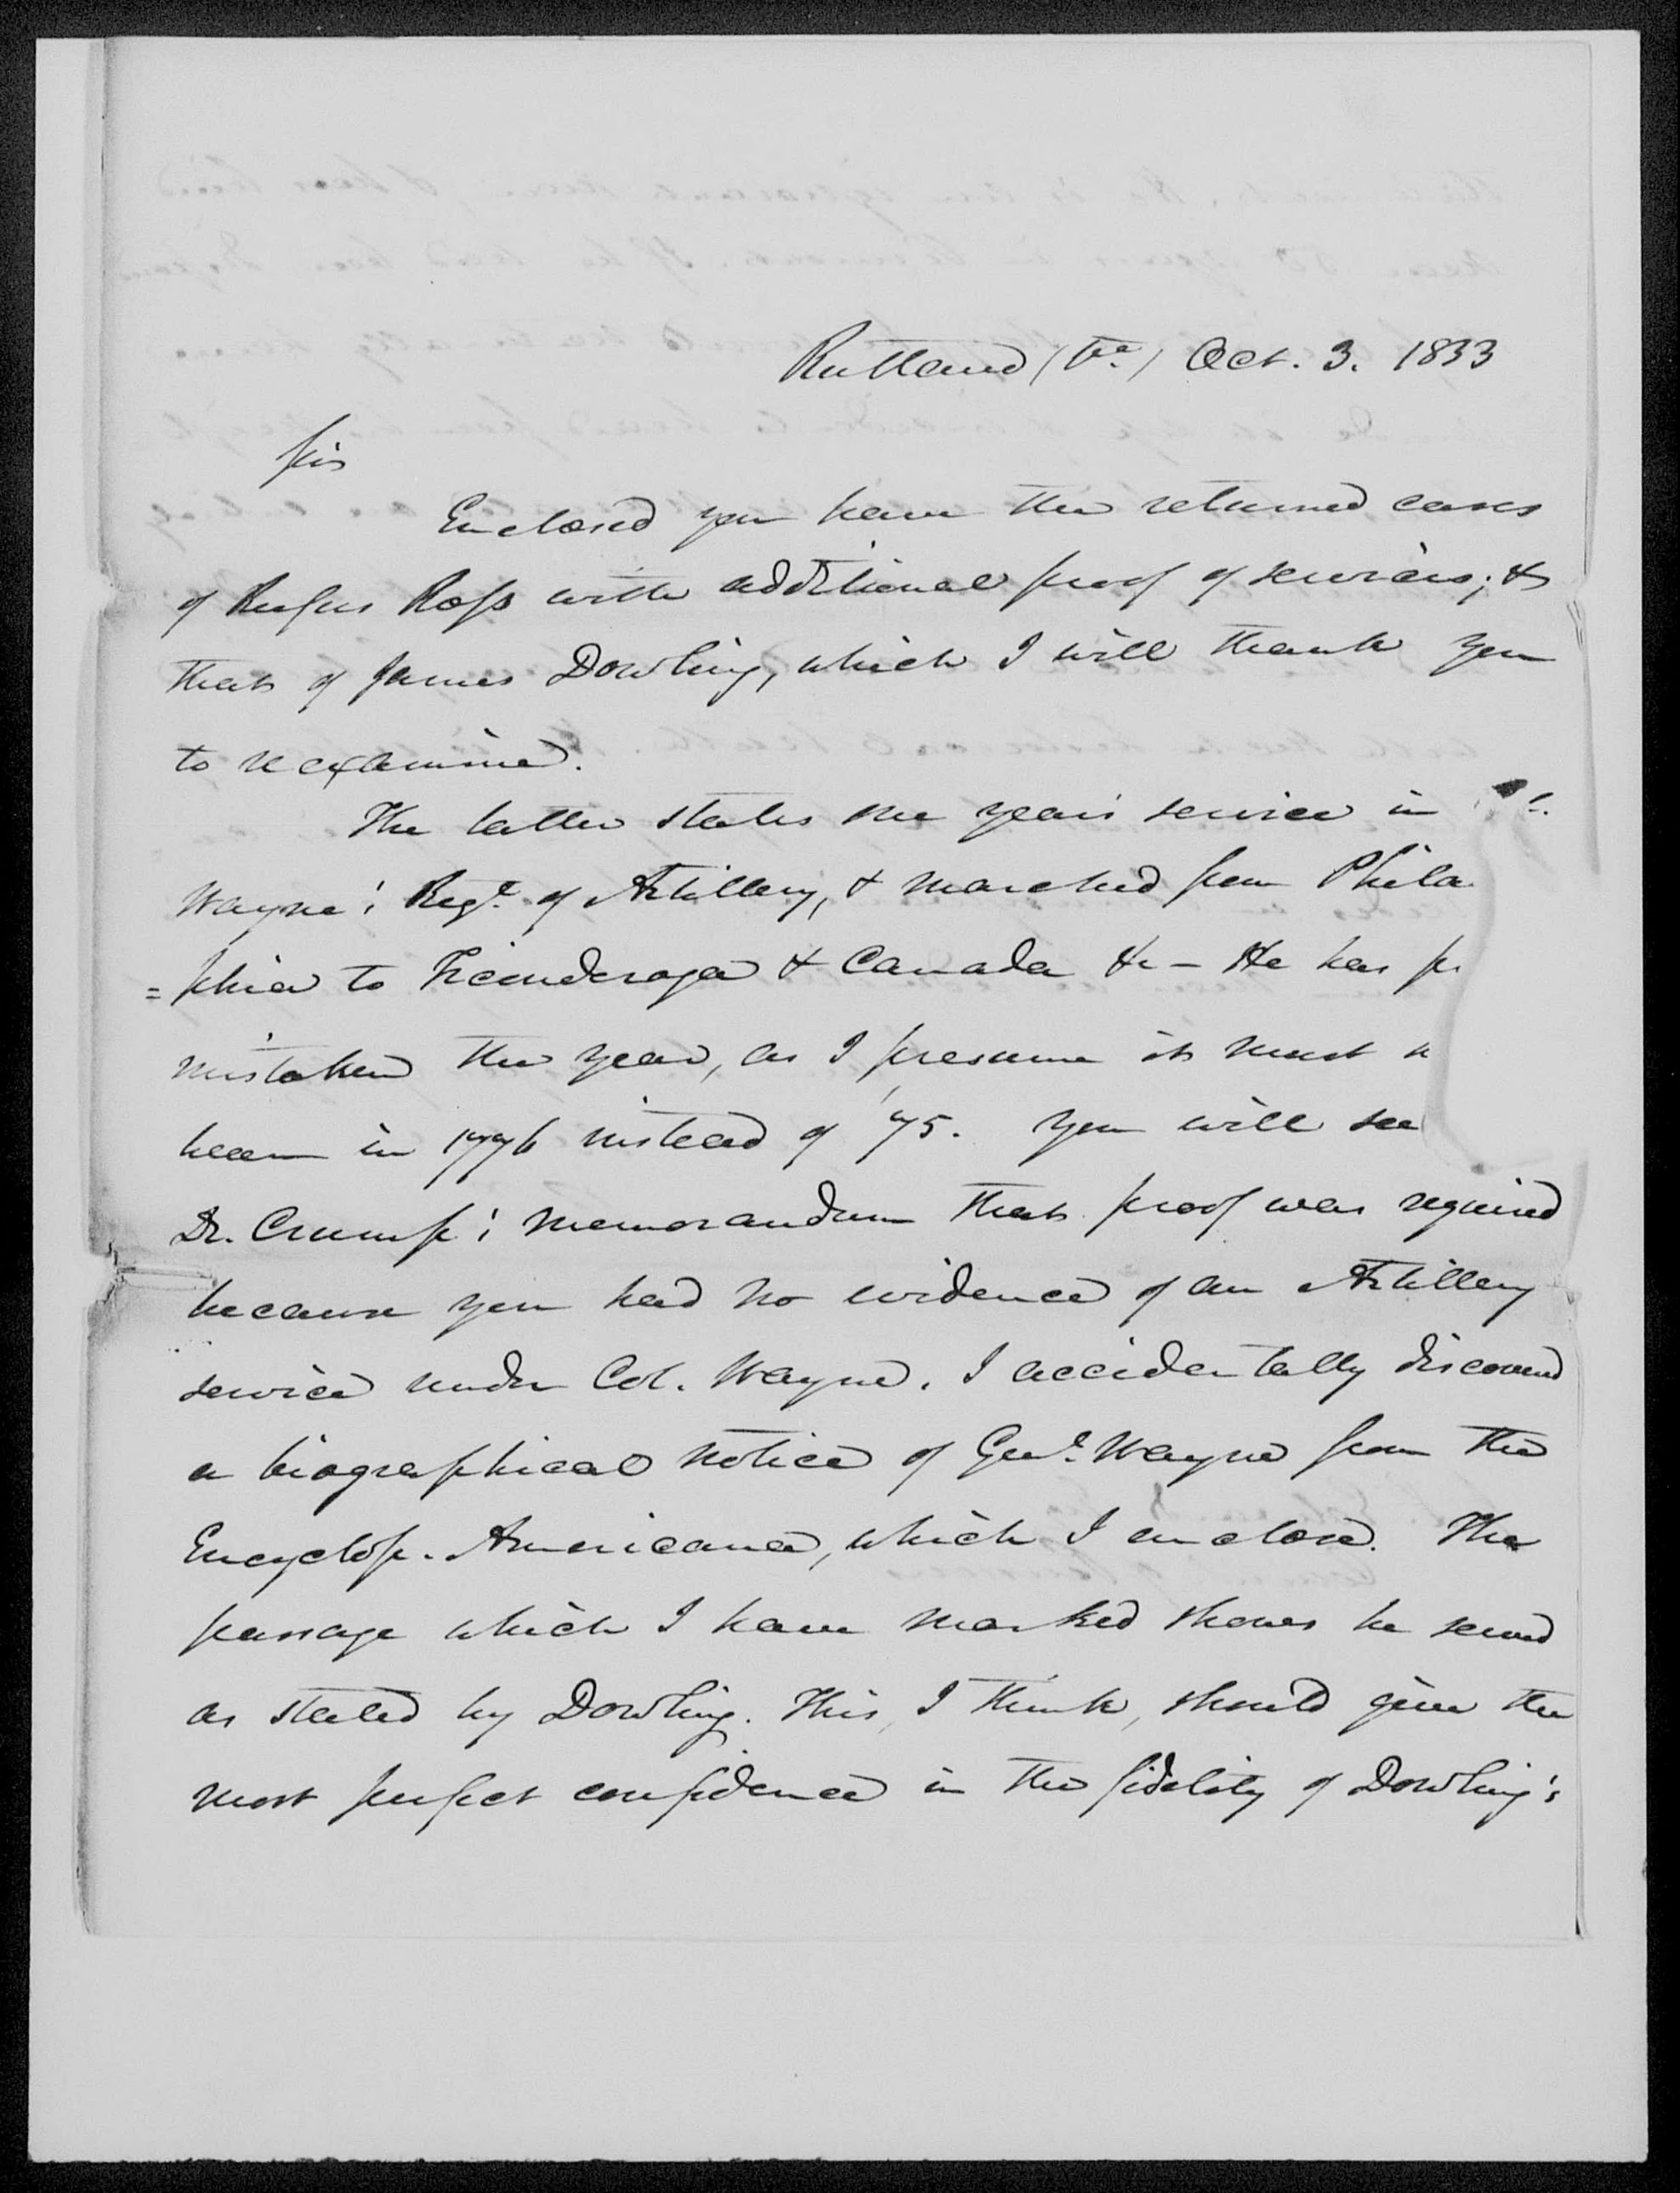Rutland Co. Oct. 3, 1833
Sir
Enclosed you have the returned cases of Rufus Ross with additional proof of services, & that of James Dowling, which I will thank you to re examine.
The latter state the year's service in Wayne Regt. of Artillery, & marched from Philadelphia to Ticonderoga & Canada &c. He has mistaken the year, as I presume it must have been in 1776 instead of '75.  You will see that the Dr. Crump memorandum that proof was required because you had no evidence of an Artillery service under Col. Wayne. I accidentally discarded a biographical notice of Genl. Wayne from the Encyclope.. Americana, which I enclose. The passage which I have marked shows he served as stated by Dowling. This, I think, should give the most perfect confidence in the fidelity of Dowling's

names: James Dowling, Crump, Dowling, Wayne, Dowling, Rufus Ross, Wayne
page: 15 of 17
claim: survivor's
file: S. 10575, James Dowling, Penn.